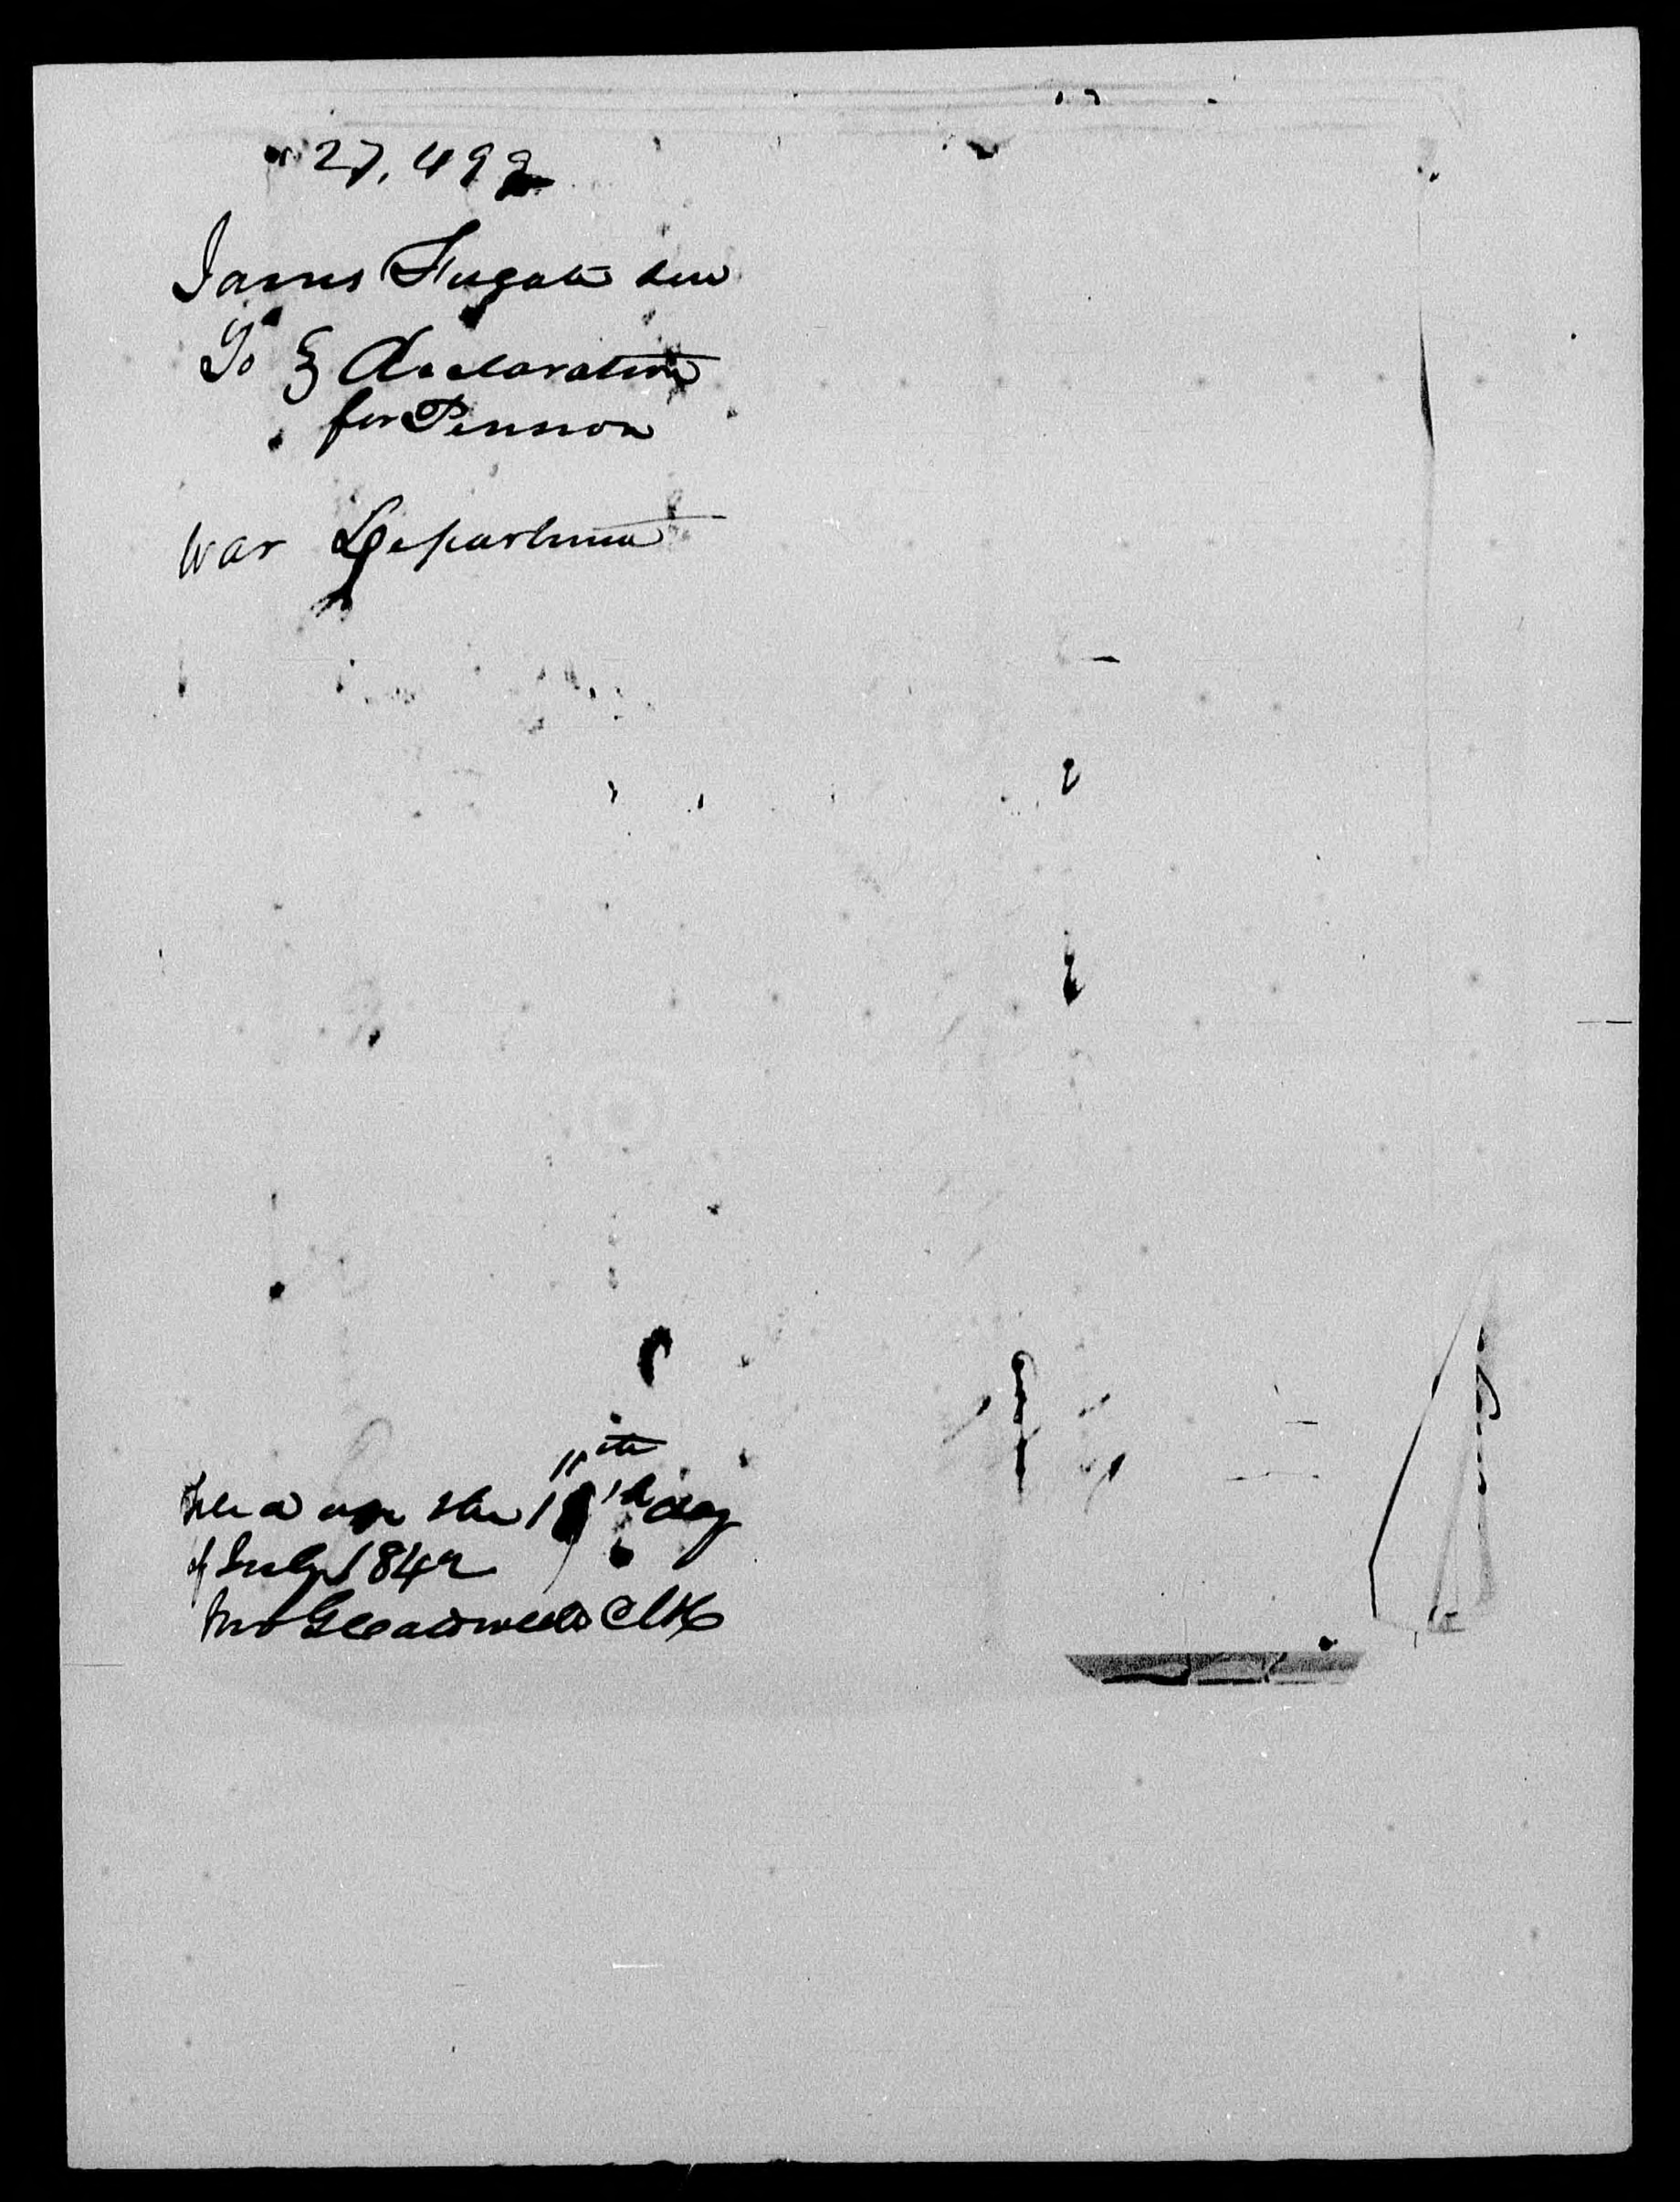27,499 James Fugate sen. yo. [unknown symbol] Declaration for Pension War Department 

[illegible] the 11th day of July 1842 Jno G Caldwell [unknown symbol]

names: Jno G Caldwell, James Fugate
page: 3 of 18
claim: survivor's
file: S. 15,846, James Fugate, Va.